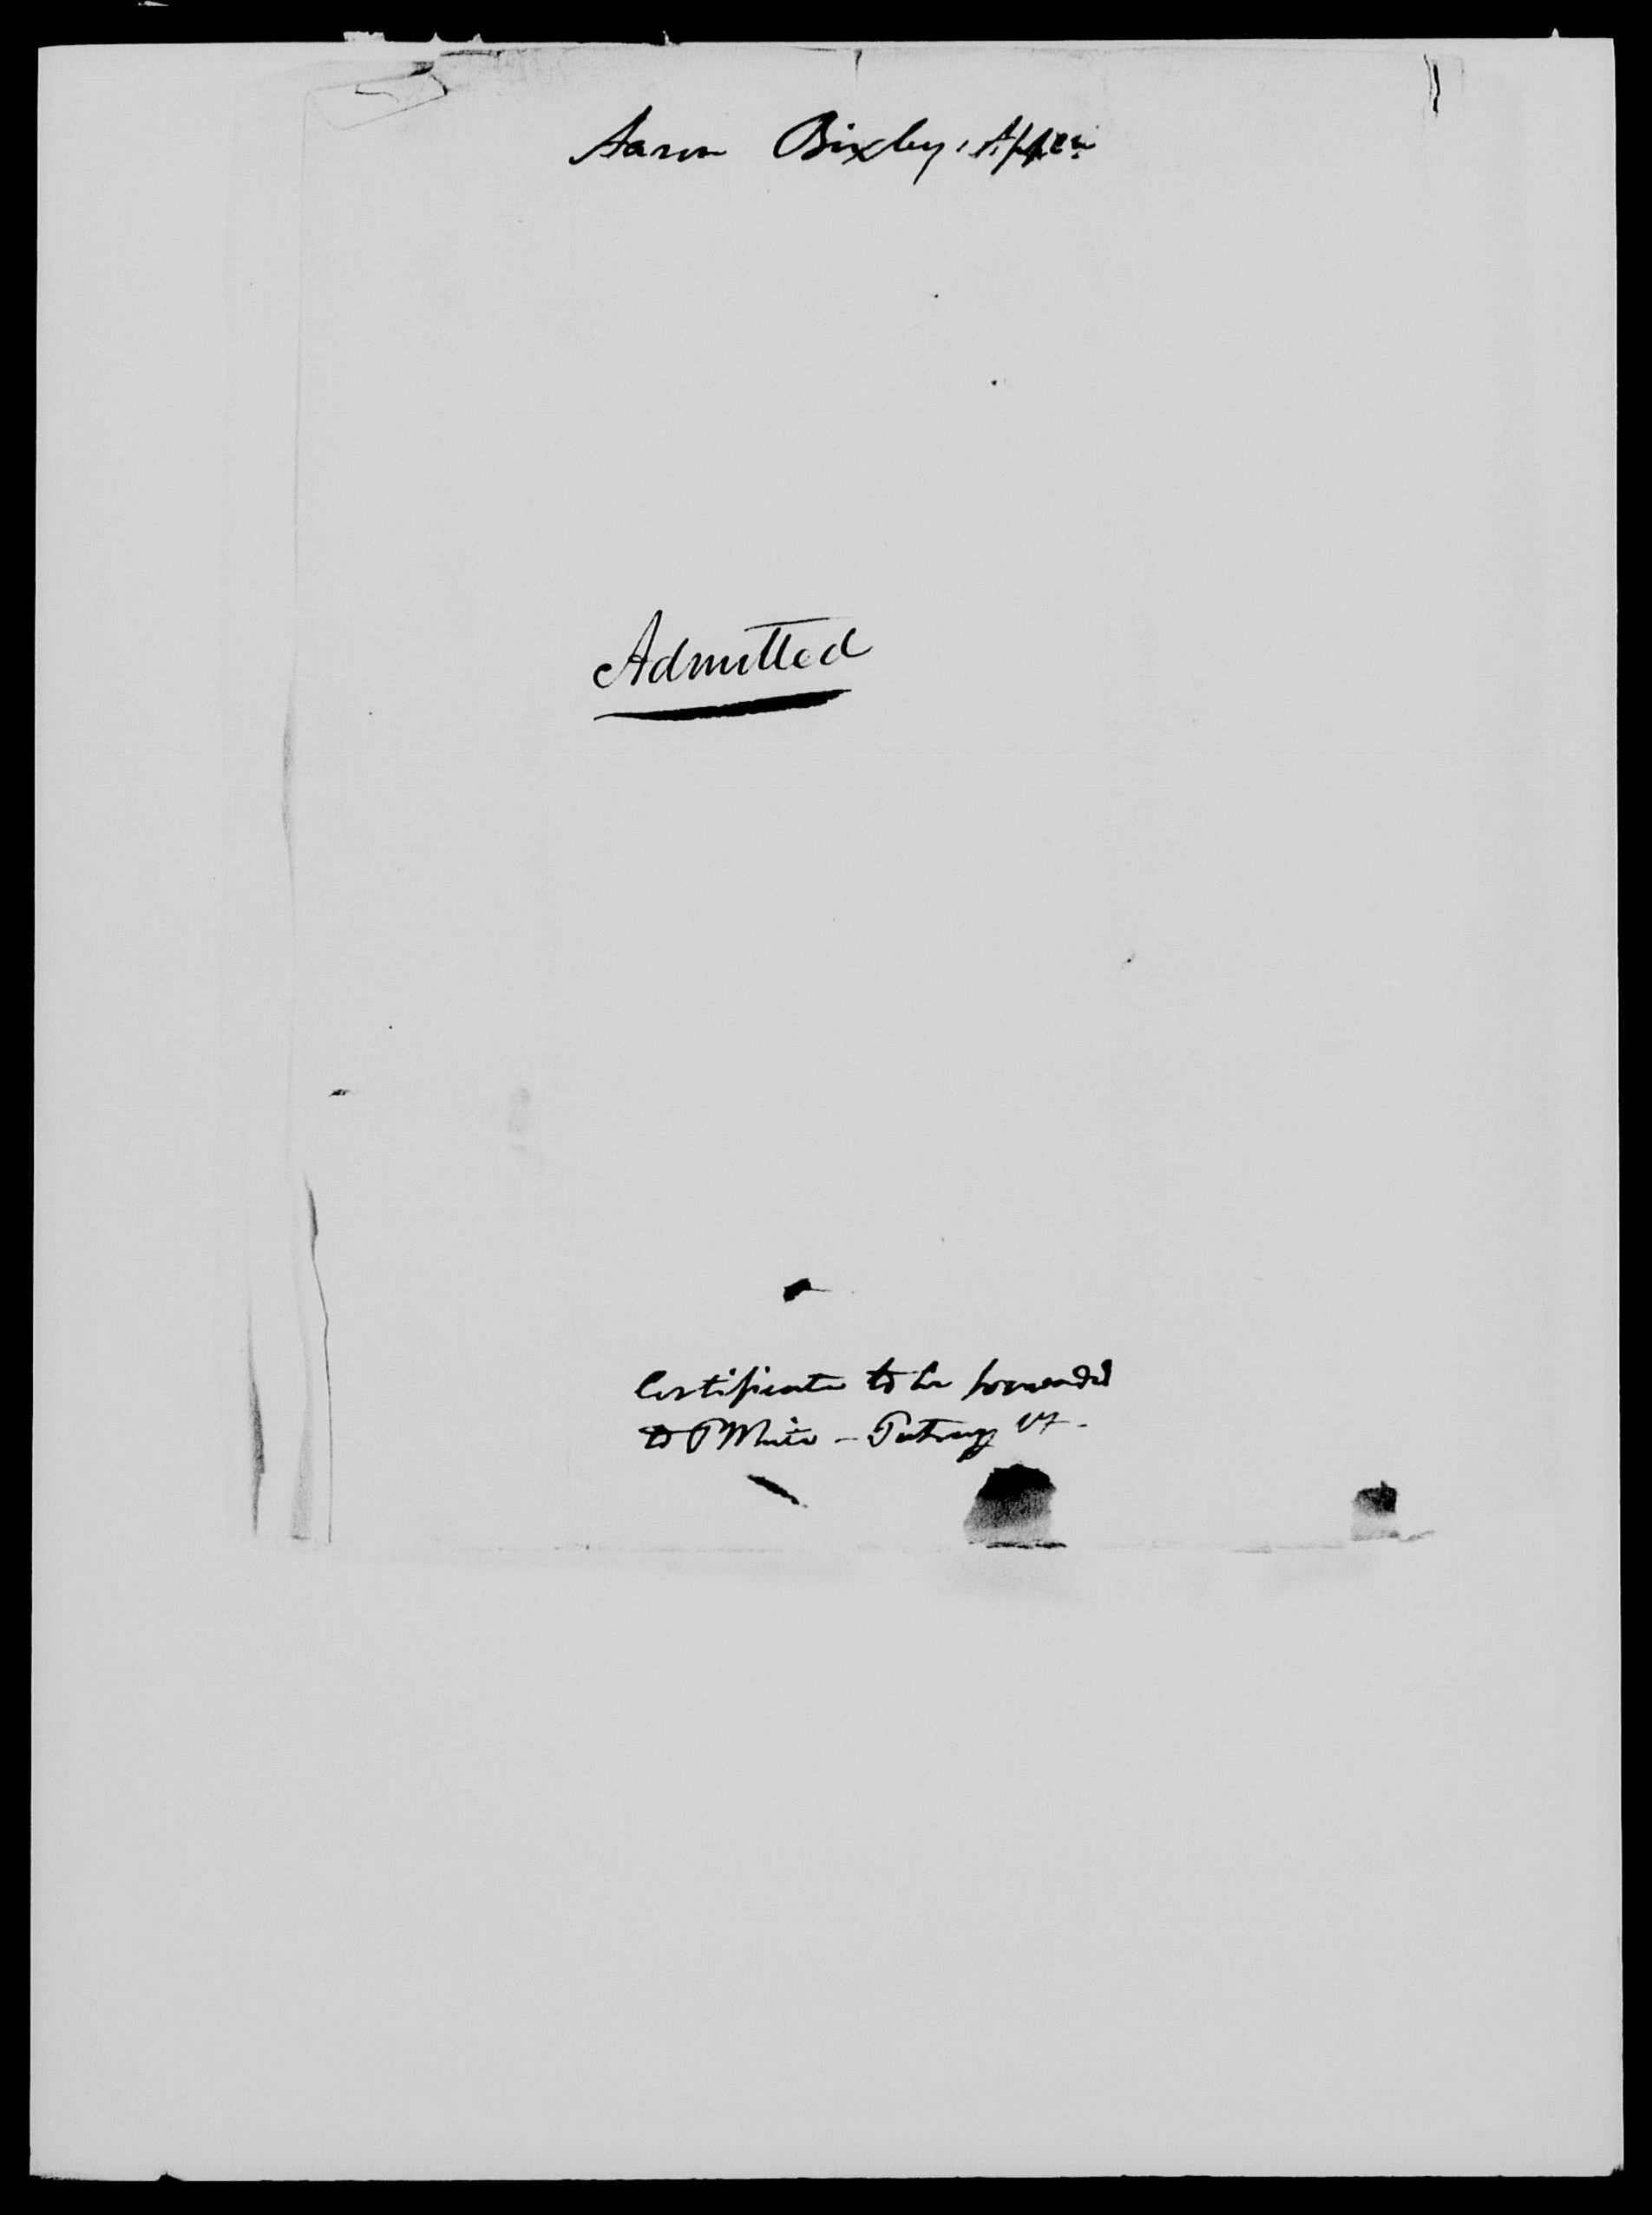Admitted
_______

Certificate to be forwarded 
to P White-[illegible] VT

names: P White, Aaron Bixby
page: 9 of 17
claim: survivor's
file: S 41436, Aaron Bixby, N.H.